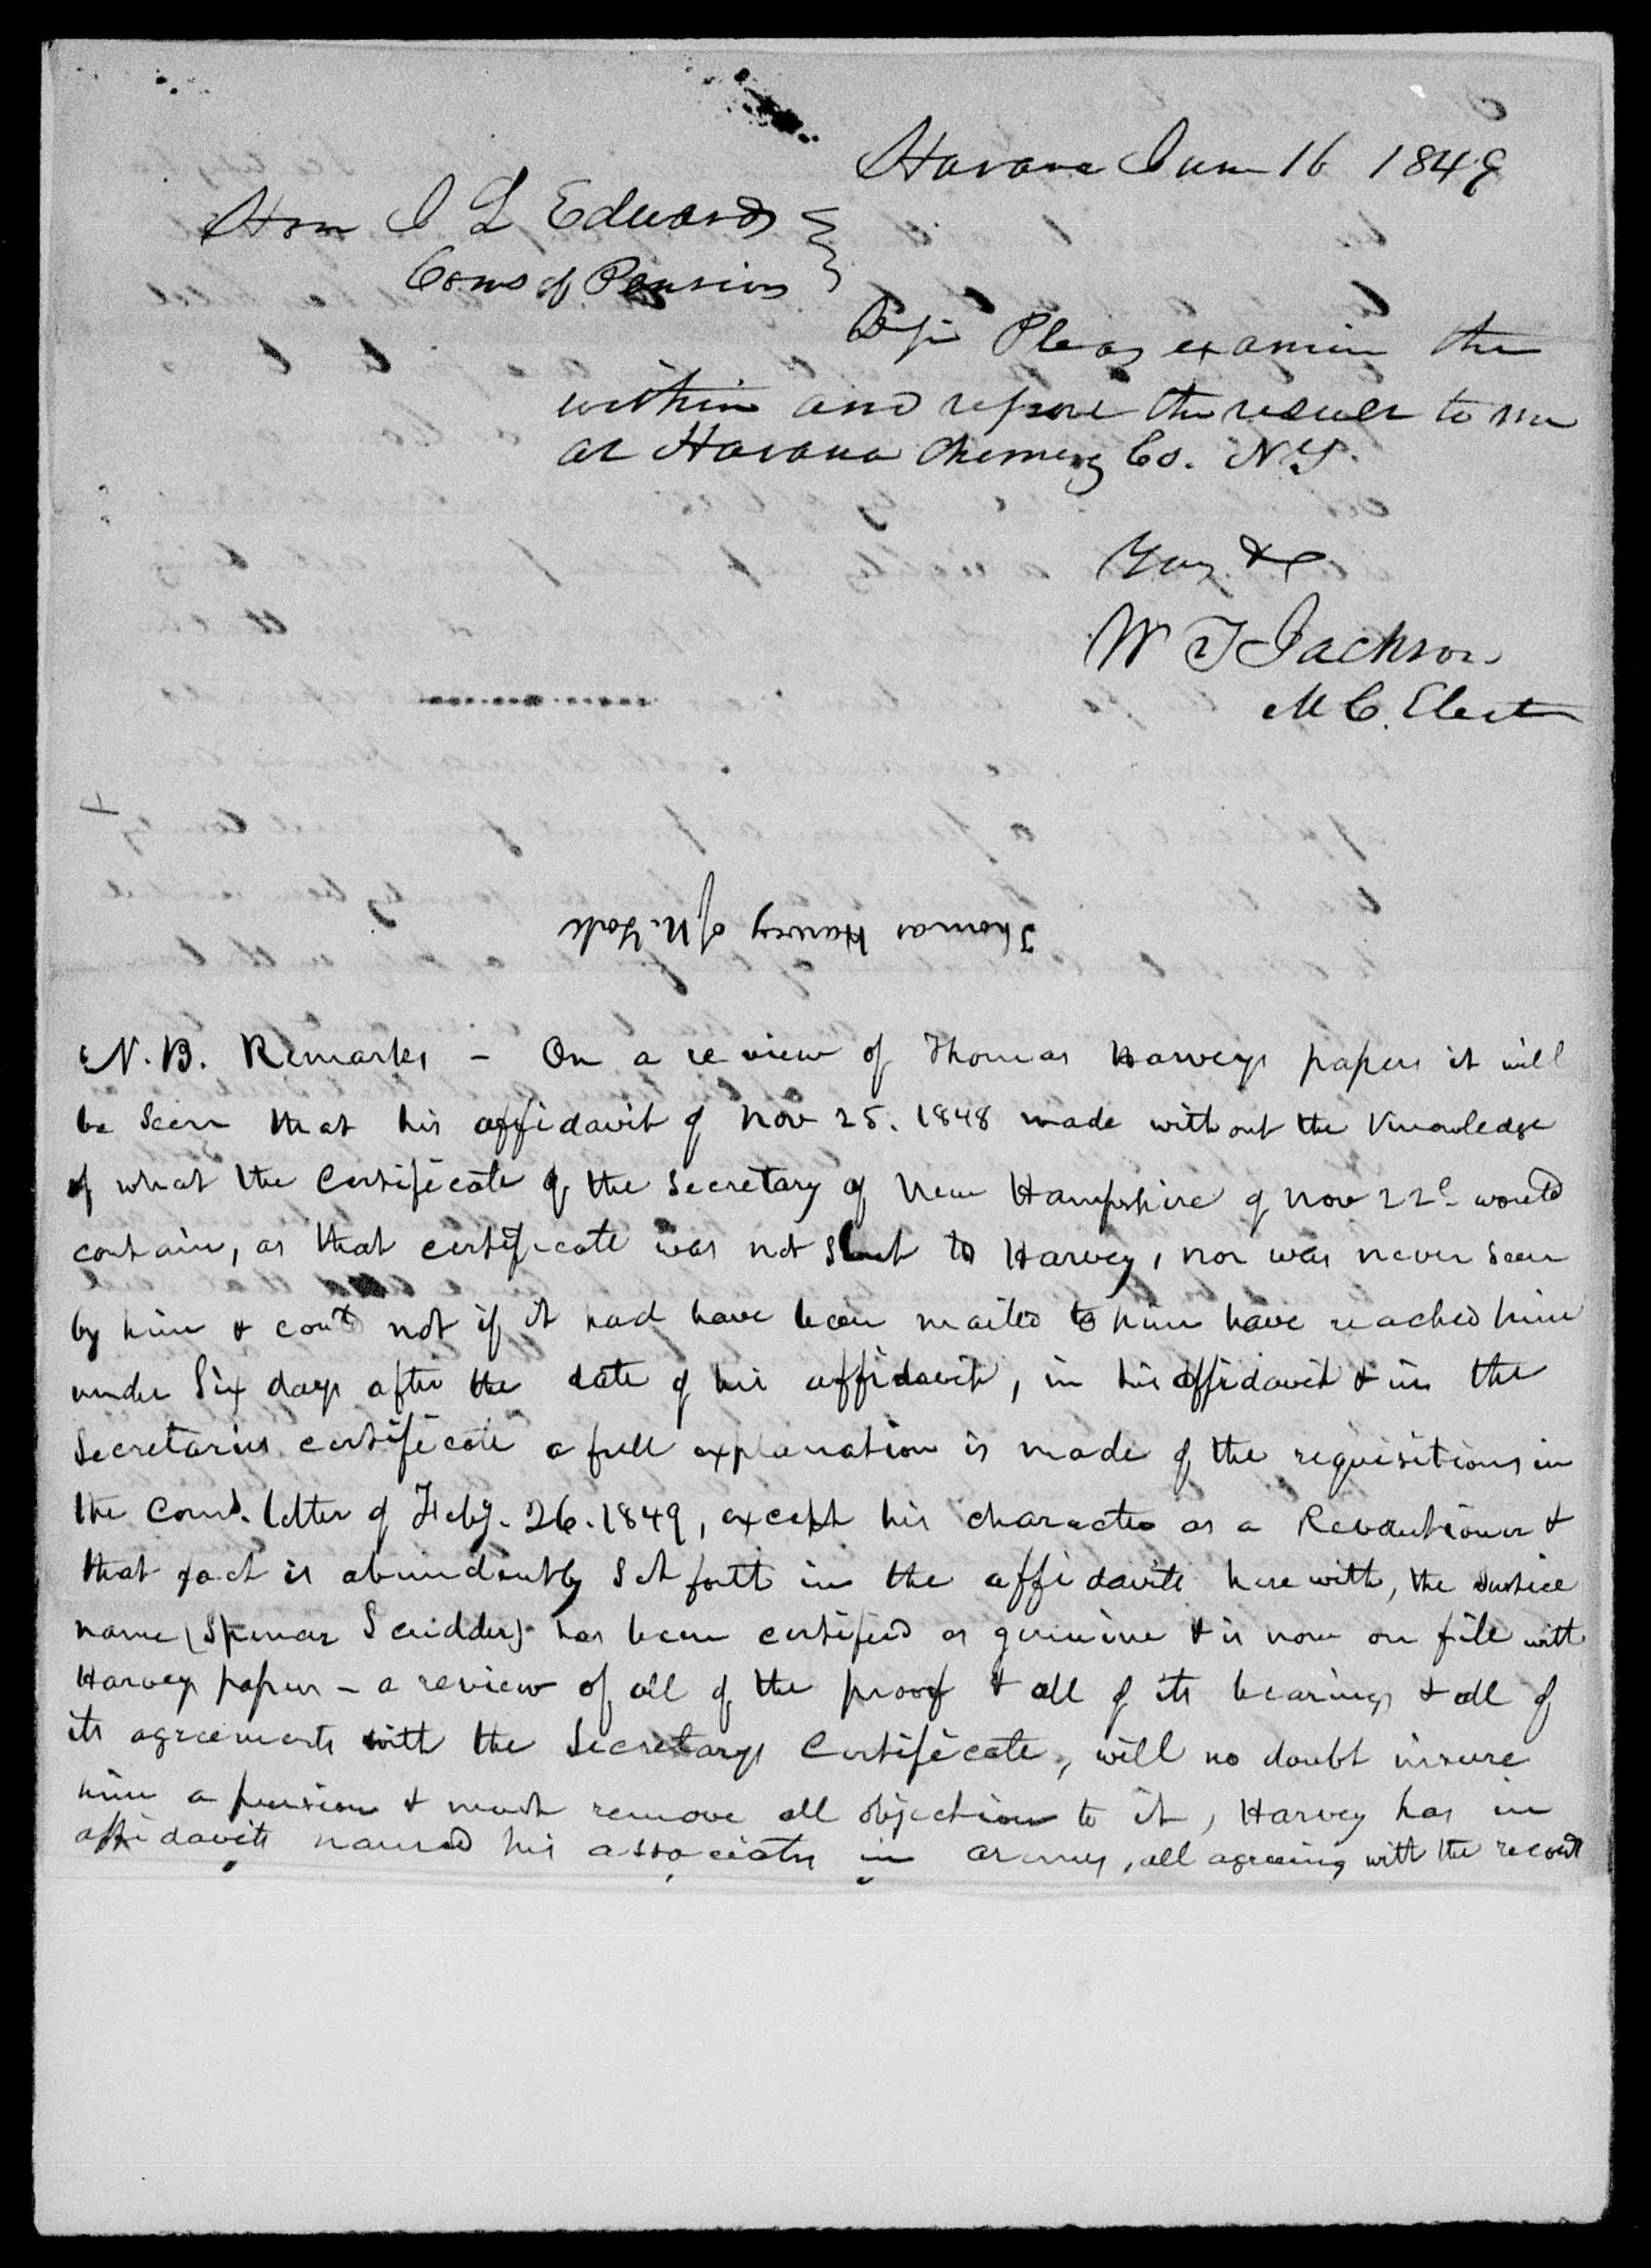[handwritten letter]
Havana June 16, 1848

Hon. J. L. Edwards
Com'r of Pensions}

Sir Please examine the within and respond the results to me at Havana Chemung Co N.Y.
Yours &c.
/s/W. T. Jackson 
M.C. Elector
Thomas Harvey of N. York
N.B. Remarks - On a review of Thomas Harvey's papers it will be seen that his affidavit of Nov. 25, 1848 made without the knowledge of what the Certificate of the Secretary of New Hampshire of Nov 22d would contain, as that certificate was not sent to Harvey, nor was never seen by him & could not if it had been mailed to him have reached him under six days after the date of his affidavit & in the Secretaries certificate a full explanation is made of the requisitions in the Com's letter of Feb'y 26, 1849, except his character as a Revolutioner & that fact is abundantly set forth in the affidavits herewith, the Justice name (Spencer Scudder) has been certified as genuine & is now on file with Harvey papers - a review of all the proof & all of its bearing, & all of its agreements with the Secretary's Certificate, will no doubt insure him a pension & must remove all objections to it, Harvey has in affidavits named his associates in Army, all agreeing with the record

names: Thomas Harvey, W T Jackson, M C Elect, Thomas Harvey, Harvey, Spencer Scudder, J L Edwards, Harvey, Harvey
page: 63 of 80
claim: survivor's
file: S. 18008, Thomas Harvey, N.H.